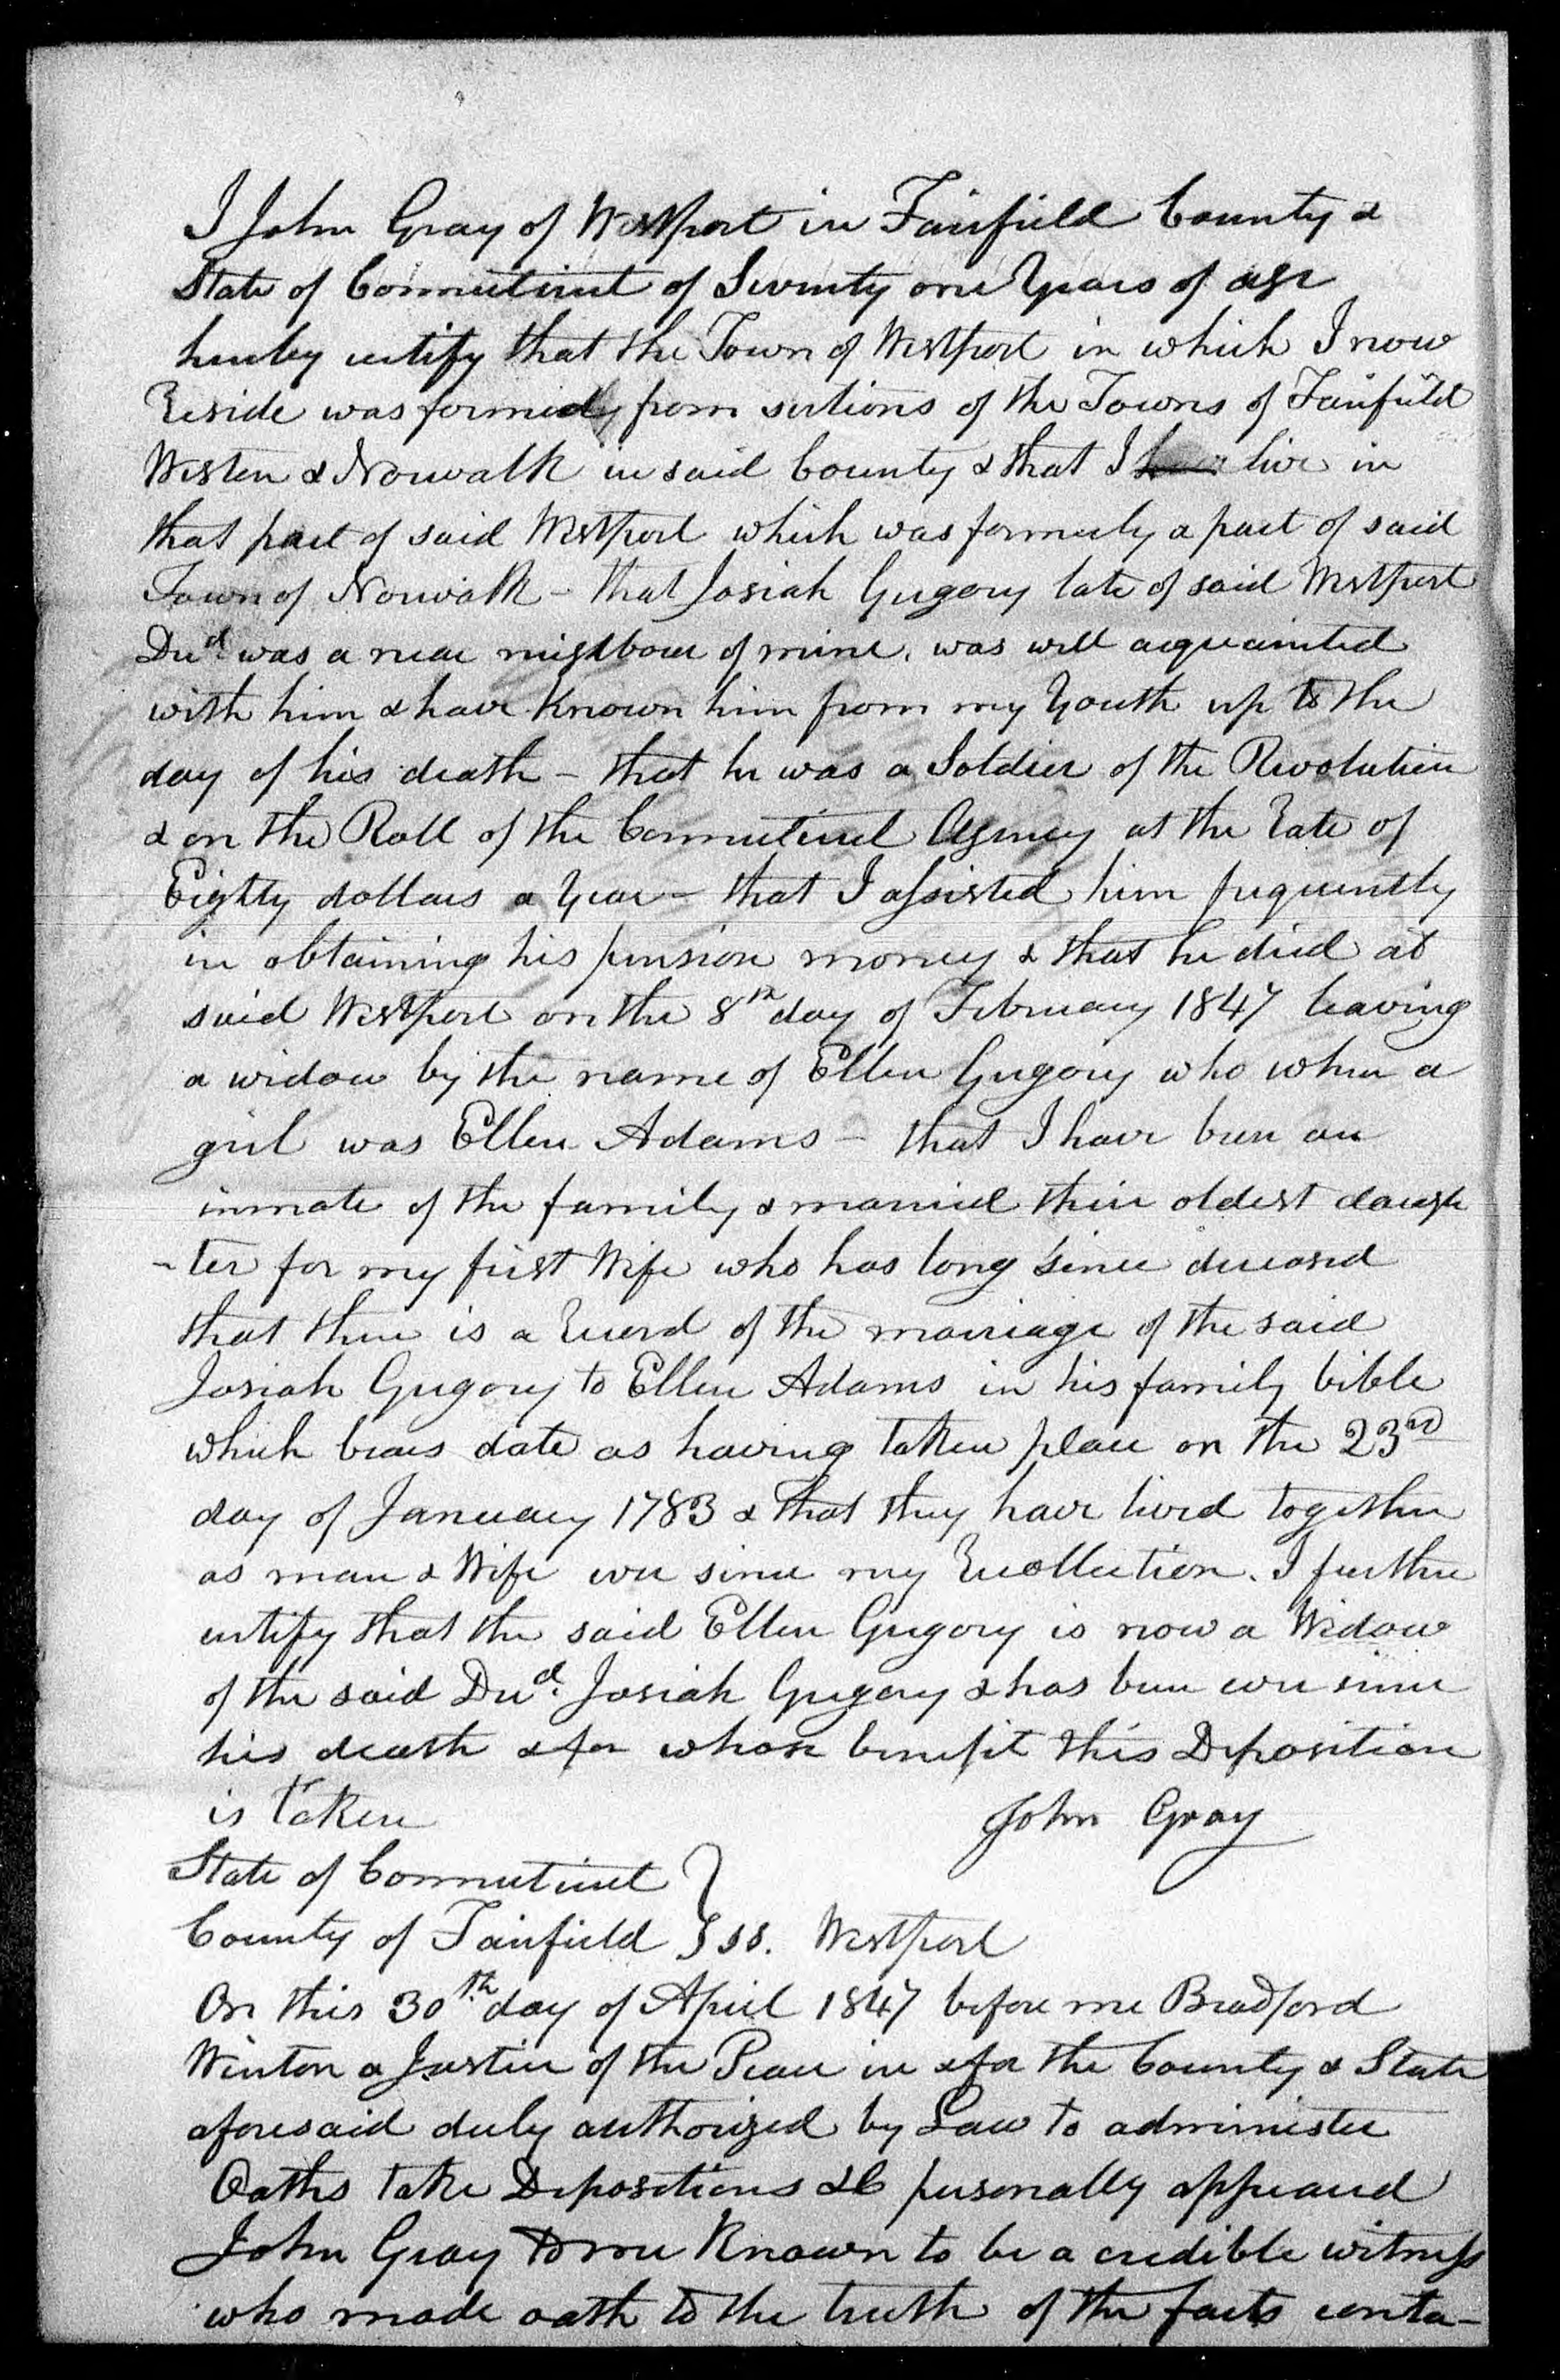I John Gray of Westport in Fairfield County & State of Connecticut of Seventy one years of age hereby testify that the Town of Westport in which I now reside was formed from sections of the towns of Fairfield Weston & Norwalk in said County & that I live in that part of said Westport which was formerly a part of said Town of Norwalk - that Josiah Gregory late of said Westport Decd. was a near neighbour [sic] of mine, was well acquainted with him & have known him from my youth up to the day of his death - that he was a Soldier of the Revolution & on the Continental Agency at the rate of Eighty dollars a Year - that I assisted him frequently in obtaining his pension money & that he died at said Westport on the 8th day of February 1847 having a widow by the name of Ellen Gregory who when a girl was Ellen Adams - that I have been an inmate of the family & married their oldest daughter for my first Wife who has long since deceased  that there is a Record of the marriage of the said Josiah Gregory to Ellen Adams in his family bible which bears date as having taken place in the 23rd day of January 1783 & that they have lived together as man & Wife ever since my recollection. I further certify that the said Ellen Gregory is now a Widow of the said Decd. Josiah Gregory & has been ever since his death & for wh0se benefit this Deposition is taken
                                [Signed]  John Gray

State of Connecticut
County of Fairfield} SS Westport
On this 30th day of April1847 before me Bradford Winton a Justice of the Peace in & for the County & State aforesaid duly authorized by Law to administer Oaths take Depositions etc. Personally appeared John Gray to me known to be a credible witness who made oath to the truth of the facts conta(ined)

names: Ellen Adams, Josiah Gregory, John Gray, Ellen Gregory, Josiah Gregory, John Gray, Josiah Gregory, Bradford Winton, John Gray, Ellen Gregory, Ellen Adams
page: 15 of 49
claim: widow's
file: W 24308, Josiah Gregory, Conn.